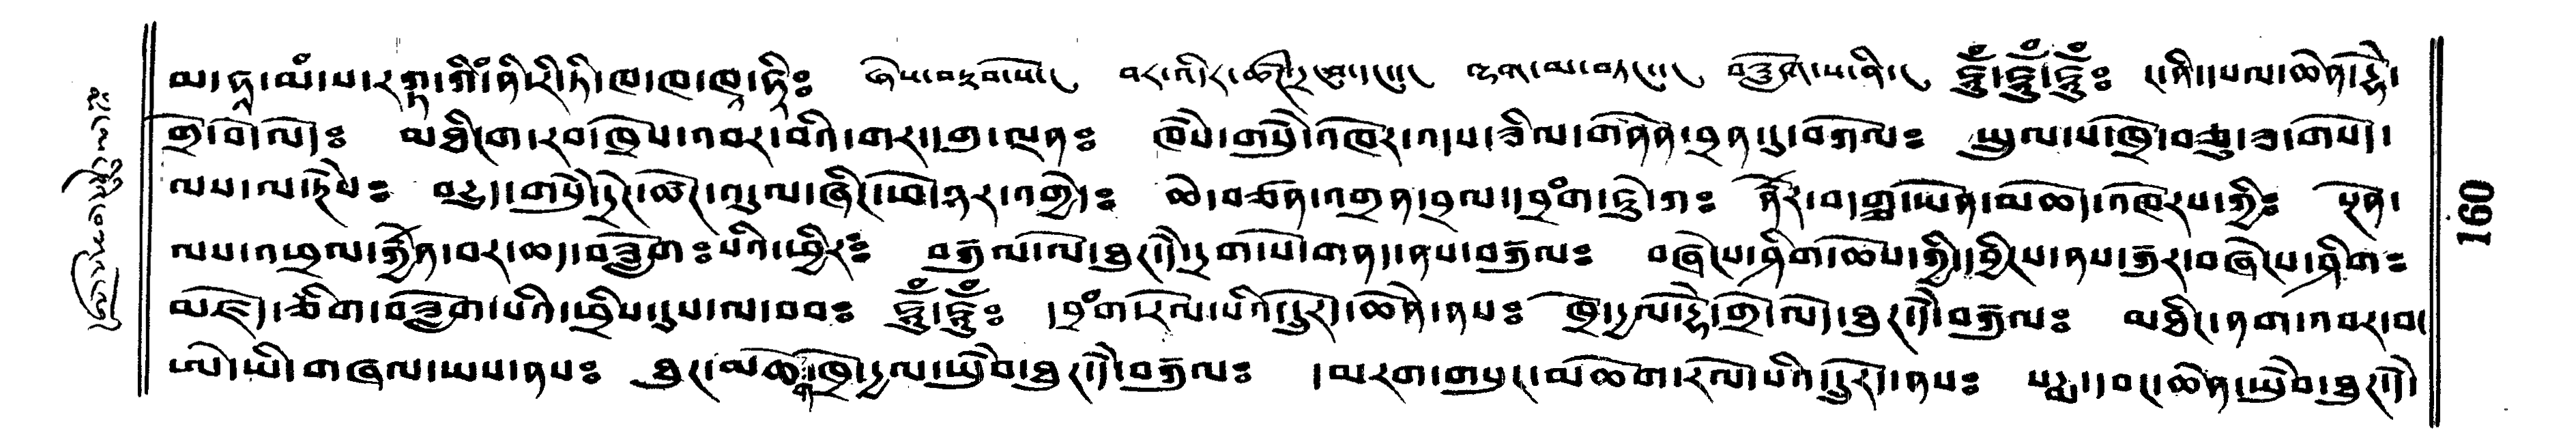མ་ཧཱ་མཾ་ས་རཀྟ་ཀིཾ་ནི་རི་ཏི་ཁ་ཁ་ཁཱ་ཧཱི༔ ཞེས་བསྟབ་པོ། བར་འདིར་ཚོགས་དྲང་བ་དང་། ལྷག་མ་བཏང་། བཟློག་པ་ནི། ཧཱུྃ་ཧཱུྃ་ཧཱུྃ༔ ང་ནི་དཔལ་ཆེན་རྡོ་རྗེ་
གྲོ་བོ་ལོད། མཐིང་ནག་རབ་ཁྲོས་འབར་བའི་གར་དགུ་ལྡན༔ ཁམས་གསུམ་འཁོར་འདས་ཟིལ་གནོན་བྲན་དུ་བཀོལ༔ སྤྲུལ་པ་ཁྲོ་བཅུ་ཟ་གསོད་
ལས་ལ་རྔམ༔ བརྒྱུད་གསུམ་དྲེགས་ཚོགས་འདུལ་ཞིང་ཕོ་ཉར་འགྱེད༔ ཆེ་བཙན་འགྲན་བྲལ་དབང་དྲག་ཧེ་རུ་ཀ༔ རྣལ་འབྱོར་བདག་ཅག་ཡོན་མཆོད་འཁོར་བཅས་ཀྱི༔ སྔོན་
ལས་འཕྲལ་རྐྱེན་བར་ཆད་བཟློག་ཿཔའི་ཕྱིར༔ བསྐུལ་ལོ་ཐུགས་དམ་དྲག་པོ་གནད་ནས་བསྐུལ༔ བཞེངས་ཤིག་ཆོས་ཀྱི་དབྱིངས་ནས་སྐུར་བཞེངས་ཤིག༔ 
མཛོད་ཅིག་བཟློག་པའི་ཕྲིན་ལས་དུས་ལ་བབ༔ ཧཱུྃ་ཧཱུྃ༔ དབང་དྲག་རོལ་པའི་དྲུར་ཁྲོད་ཆེན་པོ་ནས༔ ཁྲོ་རྒྱལ་རྡོ་རྗེ་གྲོ་ལོད་ཐུགས་དམ་བསྐུལ༔ མཐིང་ནག་འབར་བ་
ཨེ་ཡི་གཞལ་ཡས་ནས༔ ཐུགས་མཆོག་ཁྲོ་རྒྱལ་ཡབ་ཡུམ་ཐུགས་དམ་བསྐུལ༔ དམར་ནག་གསུང་མཆོག་རོལ་པའི་དུར་ཁྲོད་ནས༔ པདྨ་དབང་ཆེན་ཡབ་ཡུམ་ཐུགས་དམ་